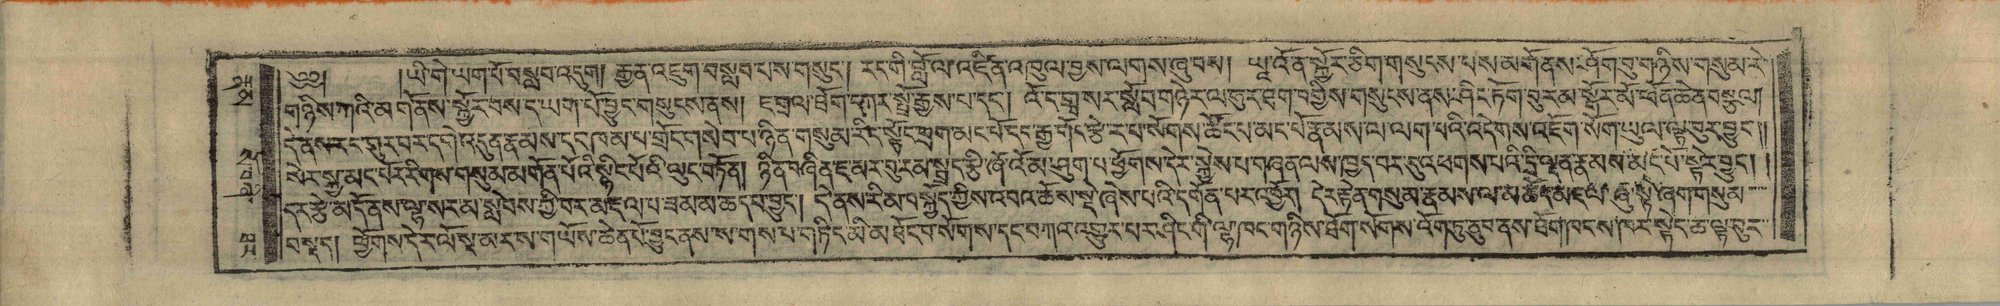༄༅། །ཡི་གེ་ཡག་པོ་བསླབ་འདུག །རྒྱན་འཇུག་བསླབ་པས་གསུང་། རང་གི་བློ་ལ་འཛིན་འཁུལ་བྱས་ལགས་ཞུ་བས། ཡཱ་འོ་ན་སྐྱོར་ཅིག་གསུངས་པས་མགོ་ནས་ཤོག་བུ་གཉིས་གསུམ་རེ་
གཉིས་ཀའི་མགོ་ནས་སྐྱོར་བས་ད་ཡག་པོ་བྱུང་གསུངས་ནས། ཇ་གྲལ་ཐོག་དཀར་སྤྲོ་རྒྱས་པ་དང་། འོ་ད་གྲྭ་སར་སློབ་གཉེར་ལ་ཧུར་ཐག་བགྱིས་གསུངས་ནས་ཤིང་ཏོག་བུ་རམ་སྒོར་མོ་ཕོན་ཆེན་བསྩལ།
དེ་ནས་རང་གུར་བར་དགེ་འདུན་རྣམས་དང་ཁམ་པ་གྲོང་གསེབ་པ་ཉིན་གསུམ་རིང་སྟོང་ཕྲག་མང་པོ་དང་རྒྱ་གོང་རྩེ་ར་པ་སོགས་ཚོང་པ་མང་པོ་རྣམས་ལ་ལག་པའི་འདེགས་འཇོག་སོག་ཡུལ་ལྟ་བུར་བྱུང་། །
སེར་སྐྱ་མང་པོར་རིགས་གསུམ་མགོན་པོའི་སྙིང་པོའི་ལུང་བཏོན། ཉིན་བཞིན་ཇ་མར་བུ་རམ་སྦྲང་རྩི་ཞོ་འོ་མ་ཤུག་པ་ཕྱོགས་དེར་སྐྱེས་པ་གཞན་ལས་ཁྱད་པར་དུ་འཕགས་པའི་དྲི་ལྡན་རྣམས་མང་པོ་སྟེར་བྱུང་། །
དར་རྩེ་མདོ་ནས་ལྷ་སར་མ་སླེབས་ཀྱི་བར་མཇལ་པ་ཟམ་མ་ཆད་པ་བྱུང་། དེ་ནས་རིམ་བསྐྱོད་ཀྱིས་འབའ་ཆོས་སྡེ་ཞེས་པའི་དགོན་པར་འབྱོར། དེར་རྟེན་གསུམ་རྣམས་ལ་མཆོད་མཇལ་ཞུ་སྟེ་ཞག་གསུམ་
བསྡད། ཕྱོགས་དེར་ལོ་སྔ་མར་ས་གཡོས་ཆེན་པོ་བྱུང་ནས་ས་གས་པ་གཏིང་མི་མཐོང་བ་སོགས་དང་བཀའ་འགྱུར་པར་ཤིང་གི་ལྷ་ཁང་གཉིས་ཐོག་སོགས་འོག་ཏུ་ནུབ་ནས་ཐོག་ཁང་ས་ཁར་སྟེང་ཆ་ལྟ་བུར་